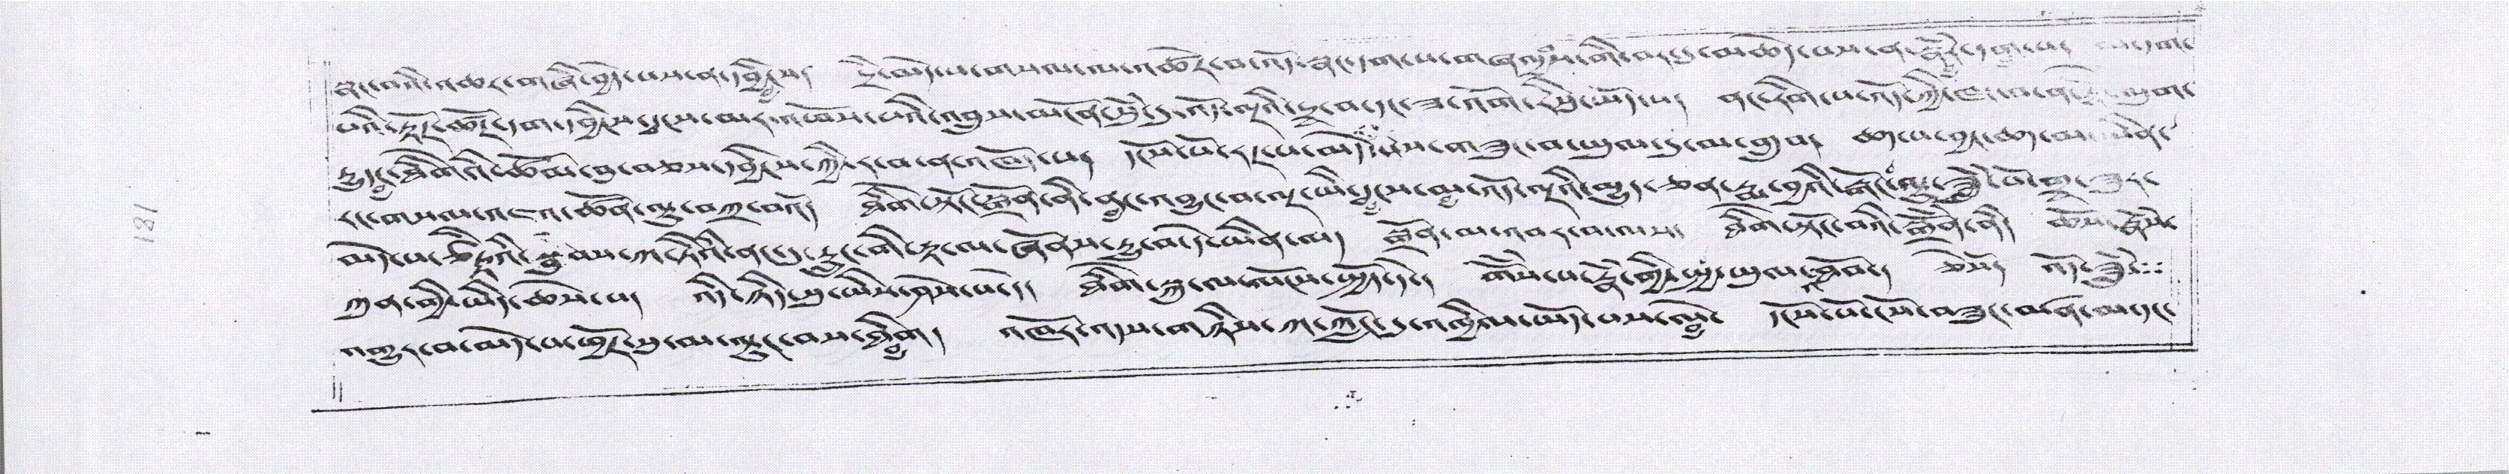སྣང་བའི་འཆར་གཞི་བྱེད་པས་ན་དབྱིངས། དྲི་མ་མེད་པ་གསལ་ལ་འཚེར་བ་འོད་སྣང་དག་པ་གཞལ་ཡས་ཀྱི་བར་དུ་མཆེད་པས་ན་རྣམ་པར་དག་པ། མ་དག་
པའི་རྟོག་ཚོགས་དག་དབྱིངས་དངས་མར་འཕོས་པའི་འབྲས་བུ་མངོན་སུམ་དུ་འོད་ལྔའི་དྲྭ་བ་དང་ཟ་འོག་རིས་སུ་ཡོད་པ། ནང་རིག་པ་འོད་ཀྱི་ཁང་བ་ན་རྡོ་རྗེ་ལུག་
རྒྱུད་དང་ཐིག་ལེའི་ཚོམ་བུ་བཅས་དབྱིངས་ཀྱི་རྭ་བ་ན་འཁོད་པ། དངོས་པོ་རགས་པ་མེད་པས་བཟུང་བ་ཡུལ་དུ་མ་གྲུབ་པ། ཆད་པ་བྱང་ཆད་མ་ཡིན་
རང་གསལ་འཇའ་ཚོན་ལྟ་བུ་བཀྲ་བའོ། ཐིག་ལེ་སྟོང་སྒྲོན་ནི་ནང་འབྱུང་བ་ལྔ་ཡི་དྭངས་མ་འོད་ལྔའི་མུ་ཁྱུད་ཅན་རྨ་བྱའི་སྒོང་ང་ལྟ་བུ་ཟླུམ་པོ་གྲ་ཟུར་
མེད་པ་ཙིརྟའི་སྦུབས་ཀ་ཏིའི་ནང་དུ་རླུང་གི་རྟ་ལ་ཞོན་ནས་རྒྱུ་བ་དེ་ཡིན་ལ། སྒྲོན་མ་འབར་བ་ལས། ཐིག་ལེ་སྟོང་པའི་སྒྲོན་མ་ནི། ཆོས་རྣམས་
ཀུན་གྱི་ཡིད་ཆེས་པ། འདི་ཉིད་སུ་ཡིས་ཤེས་པ་དེ། ཐིག་ལེ་སྐུ་ལ་ལོངས་སྤྱོད་དེ། གོམས་པ་རྣམས་ཀྱི་སྤྱོད་ཡུལ་ཐོབ། ཅེས་སོ། འོད་ཟླུམ་
འགྱུར་བ་མེད་པ་ཕྱོགས་སུ་མ་ལྷུང་བས་ཐིག འཁོར་འདས་གཉིས་ཀ་ཀློང་དུ་འཁྱིལ་ཡོད་པས་ལེ། དངོས་པོ་ངོས་བཟུང་མཚན་མ་དང་